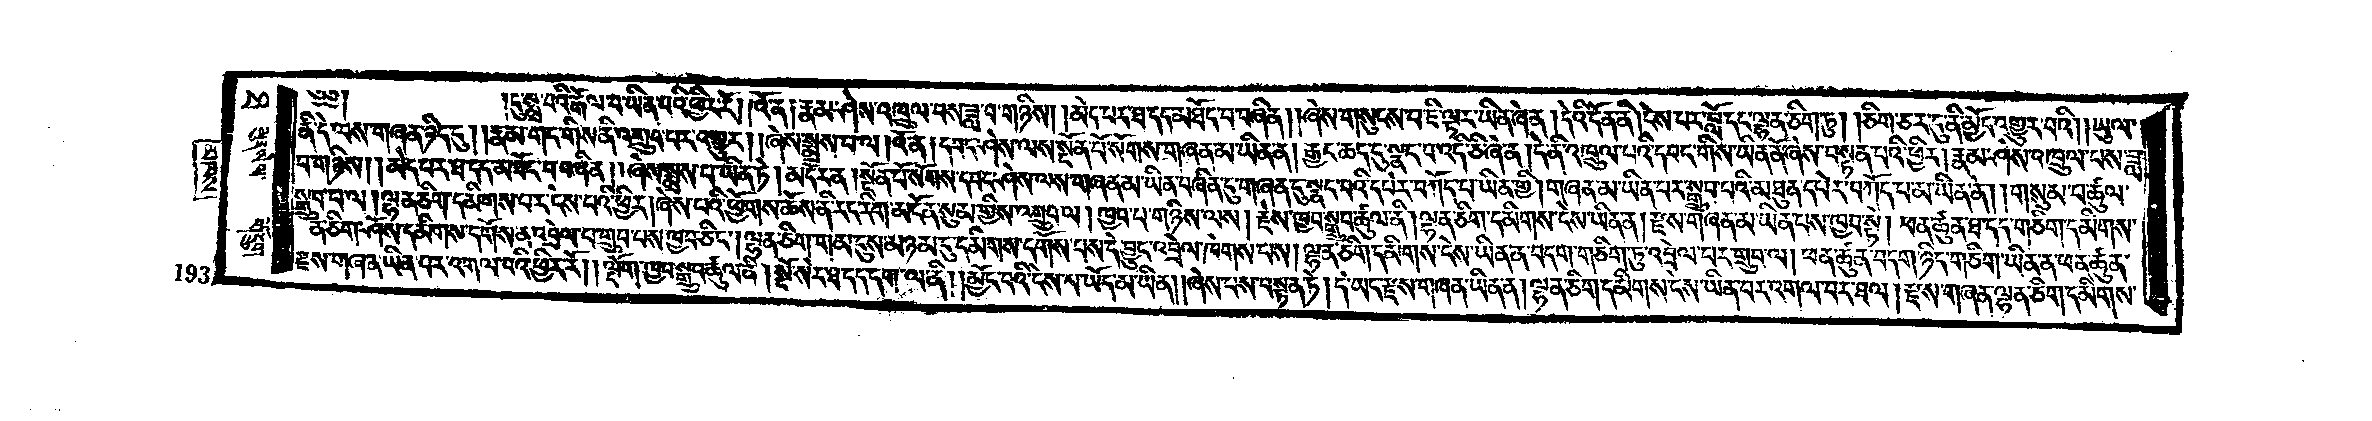༄༅། །དུ་སྨྲ་བའི་རྒོལ་བ་ཡིན་པའི་ཕྱིར་རོ། །འོ་ན། རྣམ་ཤེས་འཁྲུལ་བས་ཟླ་བ་གཉིས། །མེད་པར་ཐ་དད་མཐོང་བ་བཞིན། །ཞེས་གསུངས་པ་ཇི་ལྟ་ཡིན་ཞེ་ན་།དེའི་དོན་ནི། ངེས་པར་བློ་དང་ལྷན་ཅིག་ཏུ།། ཅི་ཅར་དུ་ནི་མྱོང་འགྱུར་བའི། །ཡུལ་
ནི་དེ་ལས་གཞན་ཉིད་དུ། །རྣམ་གང་གིས་ནི་འགྲུབ་པར་འགྱུར། །ཞེས་སྨྲས་པ་ལ། འོ་ན། དབང་ཤེས་ལས་སྔོན་པོ་སོགས་གཞན་མ་ཡིན་ན། རྒྱང་ཆད་དུ་སྣང་བ་འདི་ཅི་ཞེ་ན། དེ་ནི་འཁྲུལ་པའི་དབང་གིས་ཡིན་ནོ་ཞེས་བསྟན་པའི་ཕྱིར། རྣམ་ཤེས་འཁྲུལ་པས་ཟླ་
བ་གཉིས། །མེད་པར་ཐ་དད་མཐོང་བ་བཞིན། །ཞེས་སྨྲས་པ་ཡིན་ཏེ། མདོར་ན། སྔོན་པོ་སོགས་དབང་ཤེས་ལས་གཞན་མ་ཡིན་བཞིན་དུ་གཞན་དུ་སྣང་བའི་དཔེར་བཀོད་པ་ཡིན་གྱི། གཞན་མ་ཡིན་པར་སྒྲུབ་པའི་མཐུན་དཔེར་བཀོད་པ་མ་ཡིན་ནོ། །གསུམ་པ་ཚུལ་
སྒྲུབ་པ་ལ། ལྷན་ཅིག་དམིགས་པར་ངེས་པའི་ཕྱིར། ཞེས་པའི་ཕྱོགས་ཆོས་ནི་རང་རིག་མངོན་སུམ་གྱིས་འགྲུབ་ལ། ཁྱབ་པ་གཉིས་ལས། རྗེས་ཁྱབ་སྒྲུབ་ཚུལ་ནི། ལྷན་ཅིག་དམིགས་ངེས་ཡིན་ན། རྫས་གཞན་མ་ཡིན་པས་ཁྱབ་སྟེ། ཕན་ཚུན་ཐ་དད་གཅིག་དམིགས་
ན་ཅིག་ཤོས་དམིགས་དགོས་ན་འབྲེལ་པ་གྲུབ་པས་ཁྱབ་ཅིང་། ལྷན་ཅིག་གམ་དུས་མཉམ་དུ་དམིགས་དགོས་པས་དེ་བྱུང་འབྲེལ་ཁེགས་པས། ལྷན་ཅིག་དམིགས་ངེས་ཡིན་ན་བདག་གཅིག་ཏུ་འབྲེལ་པར་གྲུབ་ལ། ཕན་ཚུན་བདག་ཉིད་གཅིག་ཡིན་ན་ཕན་ཚུན་
རྫས་གཞན་ཡིན་པར་འགལ་བའི་ཕྱིར་རོ། །ལྡོག་ཁྱབ་སྒྲུབ་ཚུལ་ནི། སྔོ་སེར་ཐ་དད་དག་ལ་ནི། །མྱོང་བའི་ངེས་པ་ཡོད་མ་ཡིན། །ཞེས་པས་བསྟན་ཏེ། དེ་ཡང་རྫས་གཞན་ཡིན་ན། ལྷན་ཅིག་དམིགས་ངེས་ཡིན་པར་འགལ་བར་ཐལ། རྫས་གཞན་ལྷན་ཅིག་དམིགས་